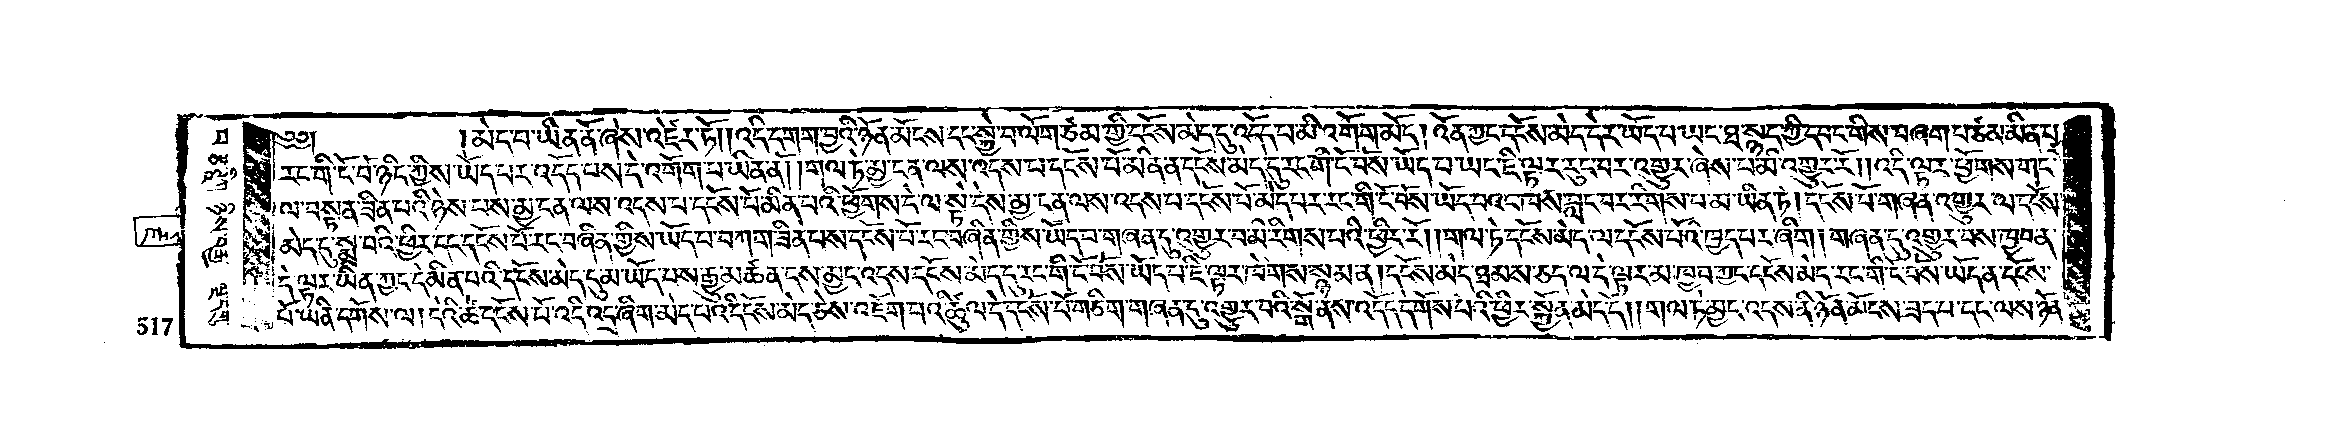༄༅། །མེད་པ་ཡིན་ནོ་ཞེས་འཛེར་ཏོ། །འདི་དགག་བྱའི་ཉོན་མོངས་དང་སྐྱེ་བ་ལོག་ཙམ་གྱི་དངོས་མེད་དུ་འདོད་པ་མི་འགོག་མོད། འོན་ཀྱང་དངོས་མེད་དེར་ཡོད་པ་ཡང་ཐ་སྙད་ཀྱི་དབང་གིས་བཞག་པ་ཙམ་མིན་པ་
རང་གི་ངོ་བོ་ཉིད་ཀྱིས་ཡོད་པར་འདོད་པས་དེ་འགོག་པ་ཡིན་ནོ། །གལ་ཏེ་མྱ་ངན་ལས་འདས་པ་དངོས་པོ་མིན་ན་དངོས་མེད་དུ་རང་གི་ངོ་བོས་ཡོད་བ་ཡང་ཇི་ལྟར་རུང་བར་འགྱུར་ཞེས་པ་མི་འགྱུར་རོ། །འདི་ལྟར་ཕྱོགས་གང་
ལ་བསྟན་ཟིན་པའི་ཉེས་པས་མྱ་ངན་ལས་འདས་པ་དངོས་པོ་མིན་པའི་ཕྱོགས་དེ་ལ་སྟེ་དེས་མྱ་ངན་ལས་འདས་པ་དངོས་པོ་མེད་པ་རང་གི་ངོ་བོས་ཡོད་པའང་ཁས་བླང་པར་རིགས་པ་མ་ཡིན་ཏེ། དངོས་པོ་གཞན་འགྱུར་ལ་དངོས་
མེད་དུ་སྨྲ་བའི་ཕྱིར་དང་དངོས་པོ་རང་བཞི་གྱིས་ཡོད་པ་བཀག་ཟིན་པས་དངོས་པོ་རང་བཞིན་གྱིས་ཡོད་པ་གཞན་དུ་འགྱུར་བ་མི་རིགས་པའི་ཕྱིར་རོ། །གལ་ཏེ་དངོས་མེད་ལ་དངོས་པོའི་ཁྱད་པར་ཞིག། གཞན་དུ་འགྱུར་བས་ཁྱབ་ན་
དེ་ལྟར་ཡིན་ཀྱང་དེ་མིན་པའི་དངོས་མེད་དུ་མ་ཡོད་པས་རྒྱུ་མཚན་དེས་མྱང་འདས་དངོས་མེད་དུ་རང་གི་ངོ་བོས་ཡོད་པ་ཇི་ལྟར་ཁེགས་སྙམ་ན། དངོས་མེད་ཐམས་ཅད་ལ་དེ་ལྟར་མ་ཁྱབ་ཀྱང་དངོས་མེད་རང་གི་ངོ་བོས་ཡོད་ན་དངོས་
པོ་ཡིན་དགོས་ལ། དེའི་ཚེ་དངོས་པོ་འདི་འདྲ་ཞིག་མེད་པའི་དངོས་མེད་ཅེས་འཇོག་པའི་ཚུལ་དེ་དངོས་པོ་གཅིག་གཞན་དུ་འགྱུར་བའི་སྒོ་ནས་འདོད་དགོས་པའི་ཕྱིར་སྐྱོན་མེད་དོ། །གལ་ཏེ་མྱང་འདས་ནི་ཉོན་མོངས་ཟད་པ་དང་ལས་ཉོན་